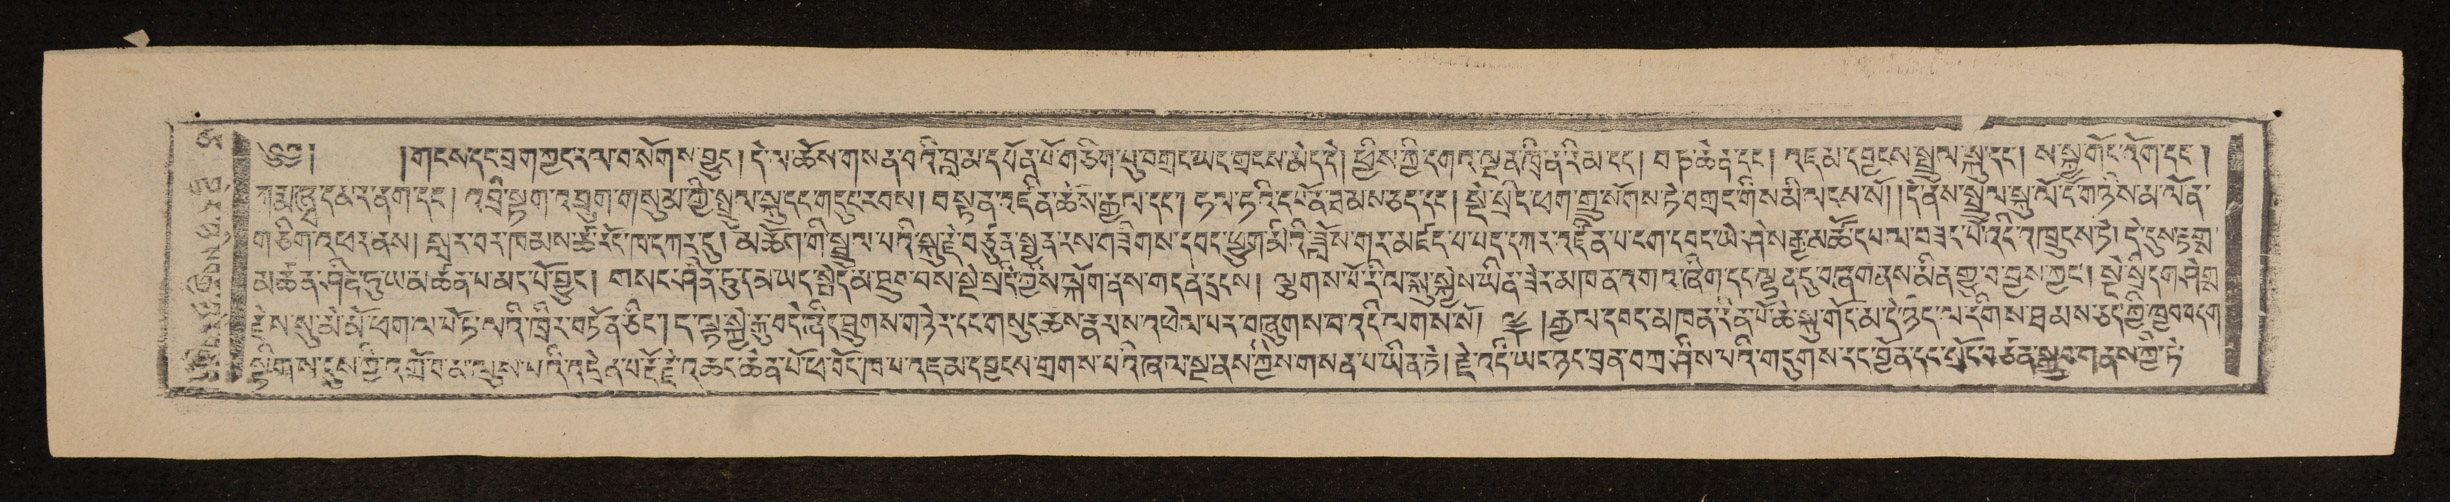༄༅། །གངས་དང་བྲག་ཀྱང་རལ་བ་སོགས་བྱུང་། དེ་ལ་ཆོས་གསན་པའི་བླ་མ་དཔོན་པོ་གཅིག་པུ་བགྲང་ཡང་གྲངས་མེད་དེ། ཕྱིས་ཀྱི་དགའ་ལྡན་ཁྲི་ན་རིམ་དང་། པཎ་ཆེན་དང་། འཇམ་དབྱངས་སྤྲུལ་སྐུ་དང་། ས་སྐྱ་གོང་འོག་དང་།
ཀརྨ་ཞྭ་དམར་ནག་དང་། འབྲི་སྟག་འབྲུག་གསུམ་གྱི་སྤྲུལ་སྐུ་དང་གདུང་རབས། བསྟན་འཛིན་ཆོས་རྒྱལ་དང་། ཧལ་ཧའི་དཔོན་ཐམས་ཅད་དང་། སྡེ་སྲིད་ཕག་གྲུ་སོགས་ཏེ་བགྲང་གིས་མི་ལངས་སོ། །དེ་ནས་སྤྲུལ་སྐུ་ལོ་ངོ་གཉིས་མ་ལོན་
གཅིག་འཕར་ནས། སླར་བར་ཁམས་ཚ་རོང་ཁ་དཀར་དུ། མཆོག་གི་སྤྲུལ་པའི་སྐུ་རྗེ་བཙུན་སྤྱན་རས་གཟིགས་དབང་ཕྱུག་མིའི་ཟློས་གར་མཛད་པ་པད་དཀར་འཛིན་པ་ངག་དབང་ཡེ་ཤེས་རྒྱ་མཚོ་དཔལ་བཟང་པོ་འདི་འཁྲུངས་ཏེ། དེ་དུས་རྟགས་
མཚན་ཤིན་ཏུ་ཡ་མཚན་པ་མང་པོ་བྱུང་། གསང་ཤིན་ཏུ་དམ་ཡང་སྦེད་མ་ཐུབ་པས་སྡེ་སྲིད་ཀྱིས་ལྐོག་ནས་གདན་དྲངས། ལྕགས་པོ་རི་ལ་སྐུ་སྐྱེས་ཡིན་ཟེར་མཁན་འགའ་ཞིག་དང་ལྷན་དུ་བཞག་ནས་མིན་གྱུ་བ་བྱས་ཀྱང་། སྡེ་སྲིད་གཤེགས་
རྗེས་སུ་མེ་མོ་ཕག་ལ་པོ་ཏ་ལའི་ཁྲིར་བཏོན་ཅིང་། ད་ལྟ་སྐྱེ་རྒུ་བདེ་ཞིང་ཐུགས་གཉེར་དང་གསུང་ཆོས་རྣམས་འཕེལ་པར་བཞུགས་པ་འདི་ལགས་སོ། ༈ །རྒྱལ་དབང་མཁན་རིན་པོ་ཆེ་སྐུ་གོང་མ་དེ་ཉིད་ལ་རིགས་ཐམས་ཅད་ཀྱི་ཁྱབ་བདག་
སྙིགས་དུས་ཀྱི་འགྲོ་བ་མ་ལུས་པའི་འདྲེན་པ་རྡོ་རྗེ་འཆང་ཆེན་པོ་ཕ་བོང་ཁ་པ་འཇམ་དབྱངས་གྲགས་པའི་ཞལ་སྔ་ནས་ཀྱིས་གསན་པ་ཡིན་ཏེ། རྗེ་འདི་ཡང་ཉང?་།བཀྲ་ཤིས་པའི་གདུགས་རང་བྱོན་དང་སྲོང་བཙན་སྒྲུབ་གནས་ཀྱི་ཉེ་